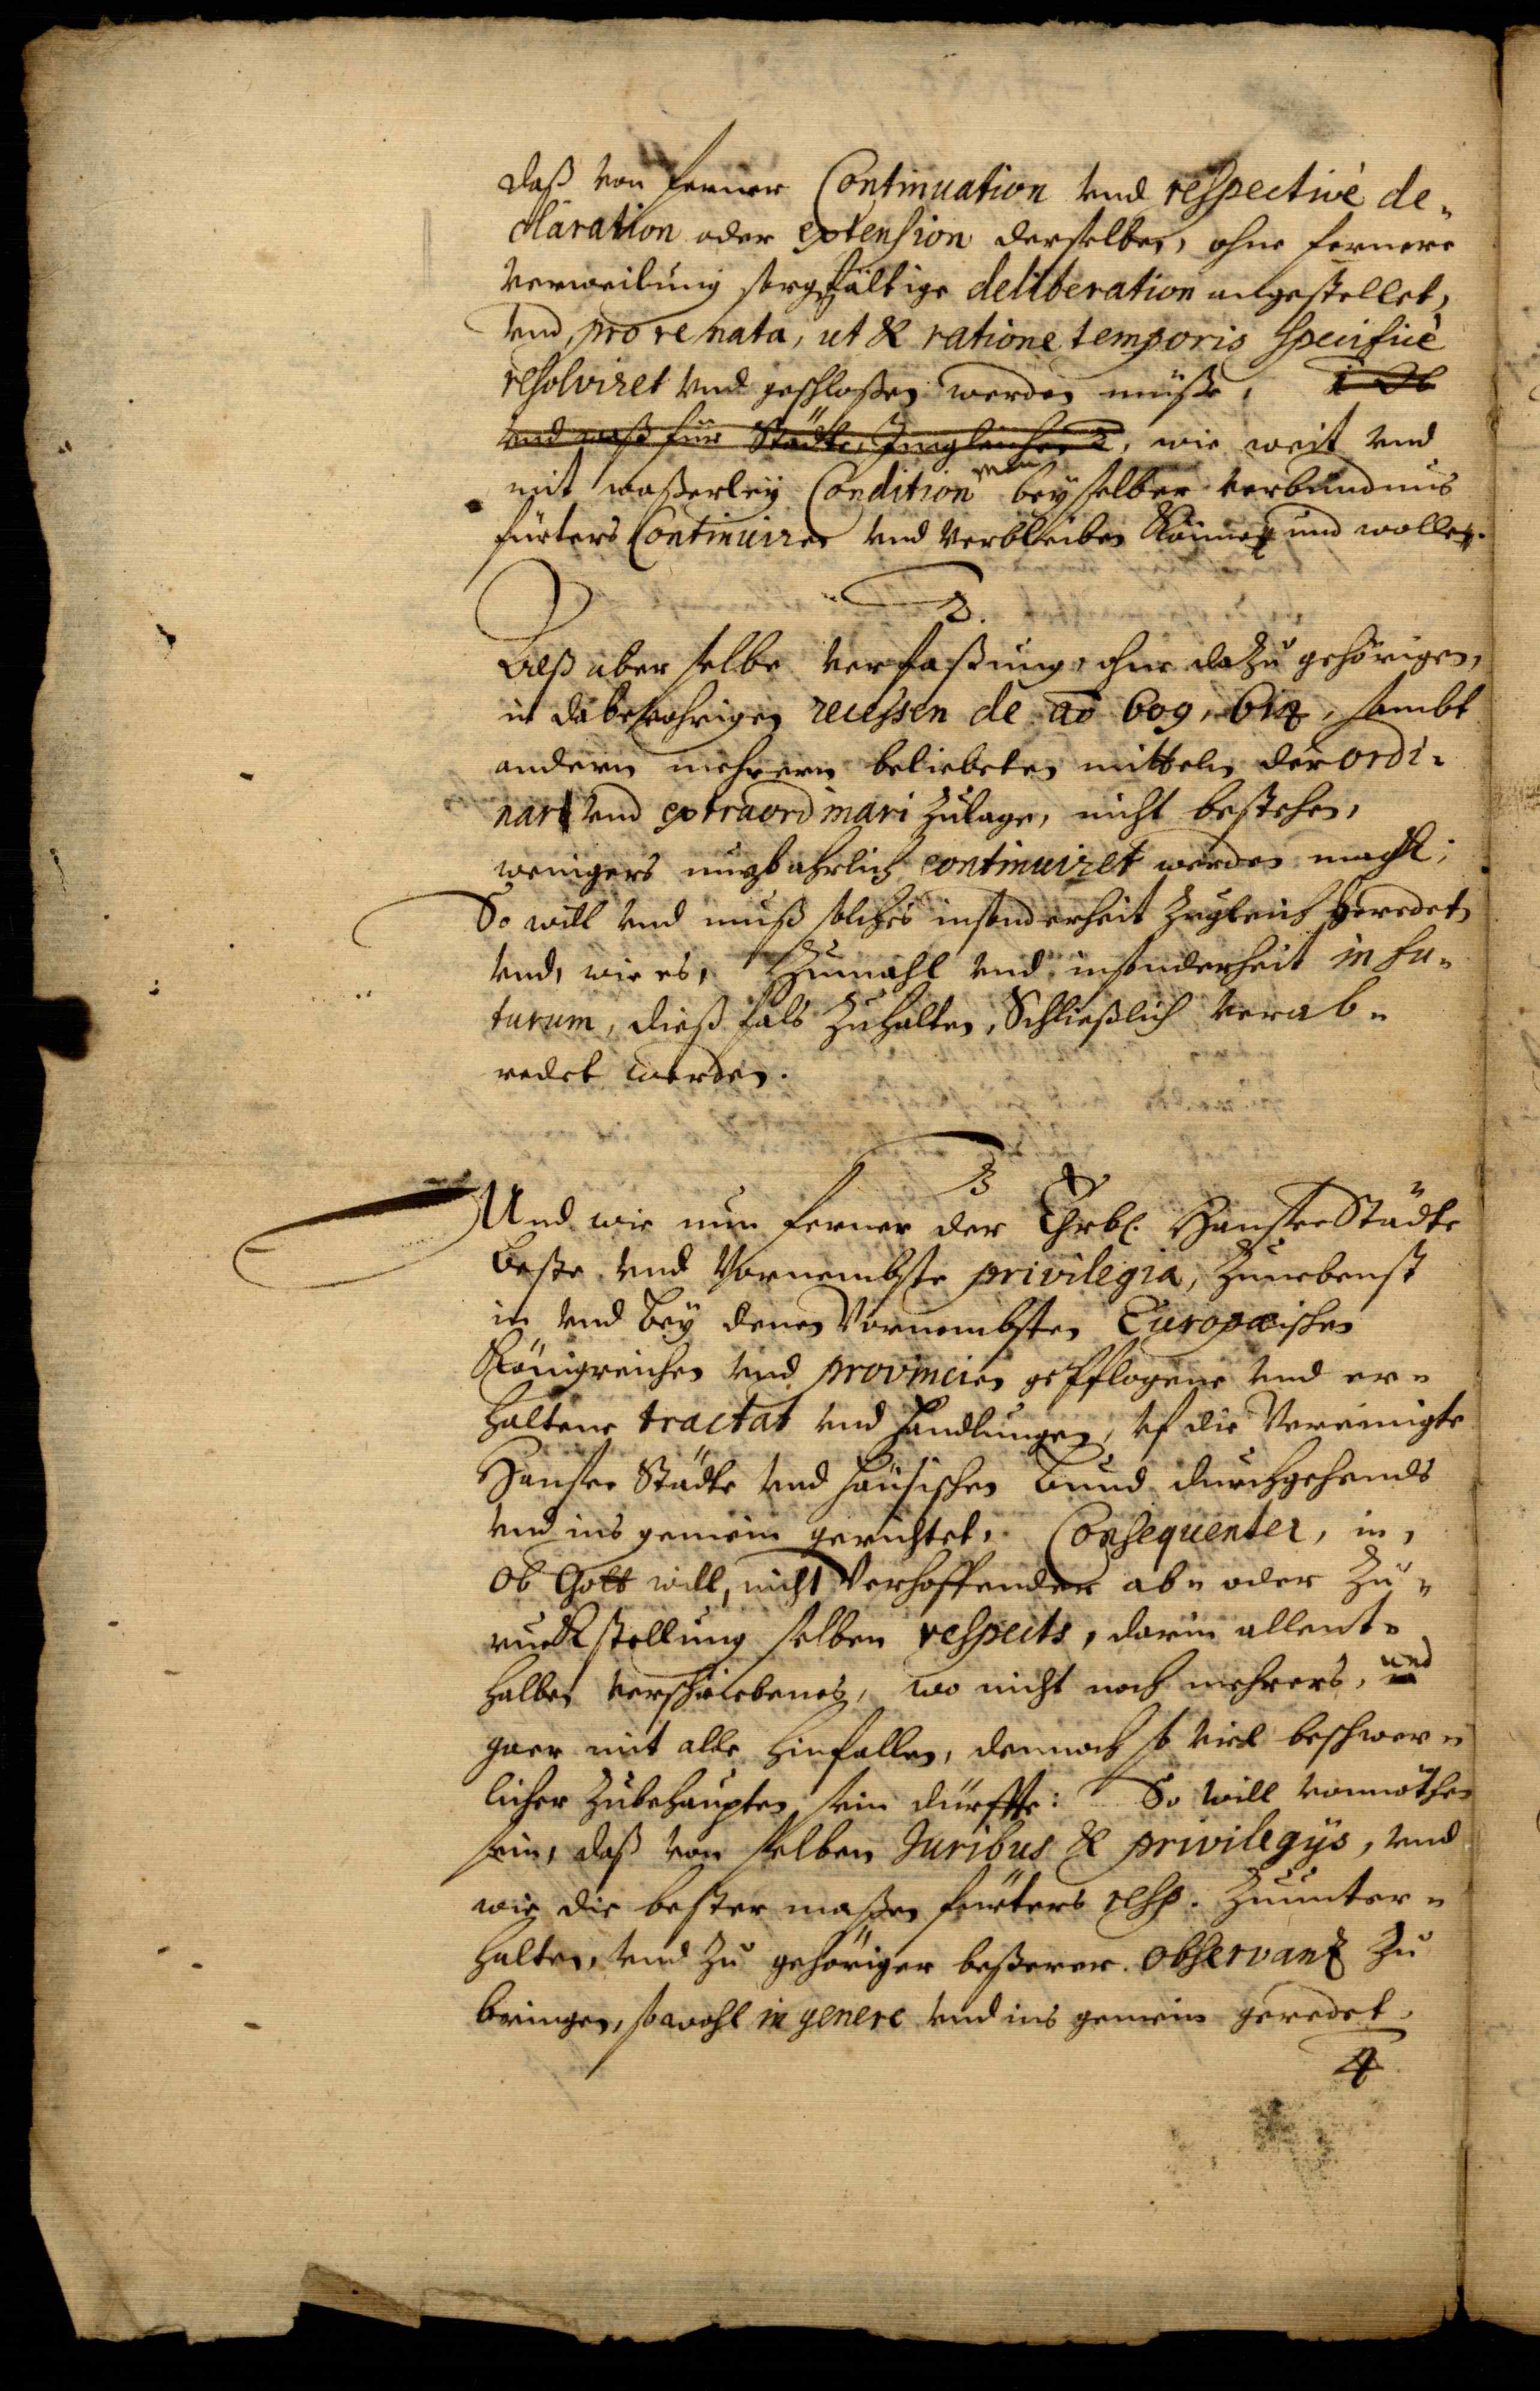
daß von ferner Continuation vnd respective de¬
claration oder extension derselben, ohne fernere
verweilung sorgfältige deliberation angestellet,
vnd, pro re nata, ut & ratione temporis specifice
resolviret vnd geschloßen werden müße, 1 Ob
vnd waß für Städte Imgleichen, wie weit vnd
mit waßerleij Condition beij selber verbundnus
fürters Continuiren vnd verbleiben können vnd wollen.
2.
Alß über selbe verfaßung, ohne dazu gehörigen,
in dabefohrigen recessen de anno 609, 614, sambt
andern mehrern beliebeten mitteln der ordi¬
nari vnd extraordinari zulage, nicht bestehen,
wenigers nuzbahrlich continuiret werden niegk,
So will vnd muß solches insonderheit zugleich beredet,
vnd, wie es, zumahl vnd insonderheit in fu¬
turum, dieß fals zuhalten, Schließlich verab¬
redet werden.
3
Und wie nun ferner der Ehrb. Hansee Städte
beste vnd vornembste privilegia, zunebenst
in vnd beij denen vornembsten Europaeischen
Königreichen vnd provincien gepflogene vnd er¬
haltene tractat vnd handlungen, vf die Vereinigte
Hansee Städte vnd hänsischen Bund durchgehends
vnd ins gemein gerichtet, Consequenter, in,
Ob Gott will, nicht Verhoffenden ab- oder Zu¬
ruck stellung selben respects, darin allent¬
halben verschriebenes, wo nicht noch mehrers, und
gaer mit alle hinfallen, dennoch so viel beschwer¬
licher zubehaupten sein dürffte: So will vonnöthen
sein, daß von selben Juribus & privilegijs, vnd
wie die bester maßen fürters resp. zuunter¬
halten, vnd zu gehöriger beßerer observanz zu¬
bringen, sowohl in genere vnd ins gemein geredet,
4
